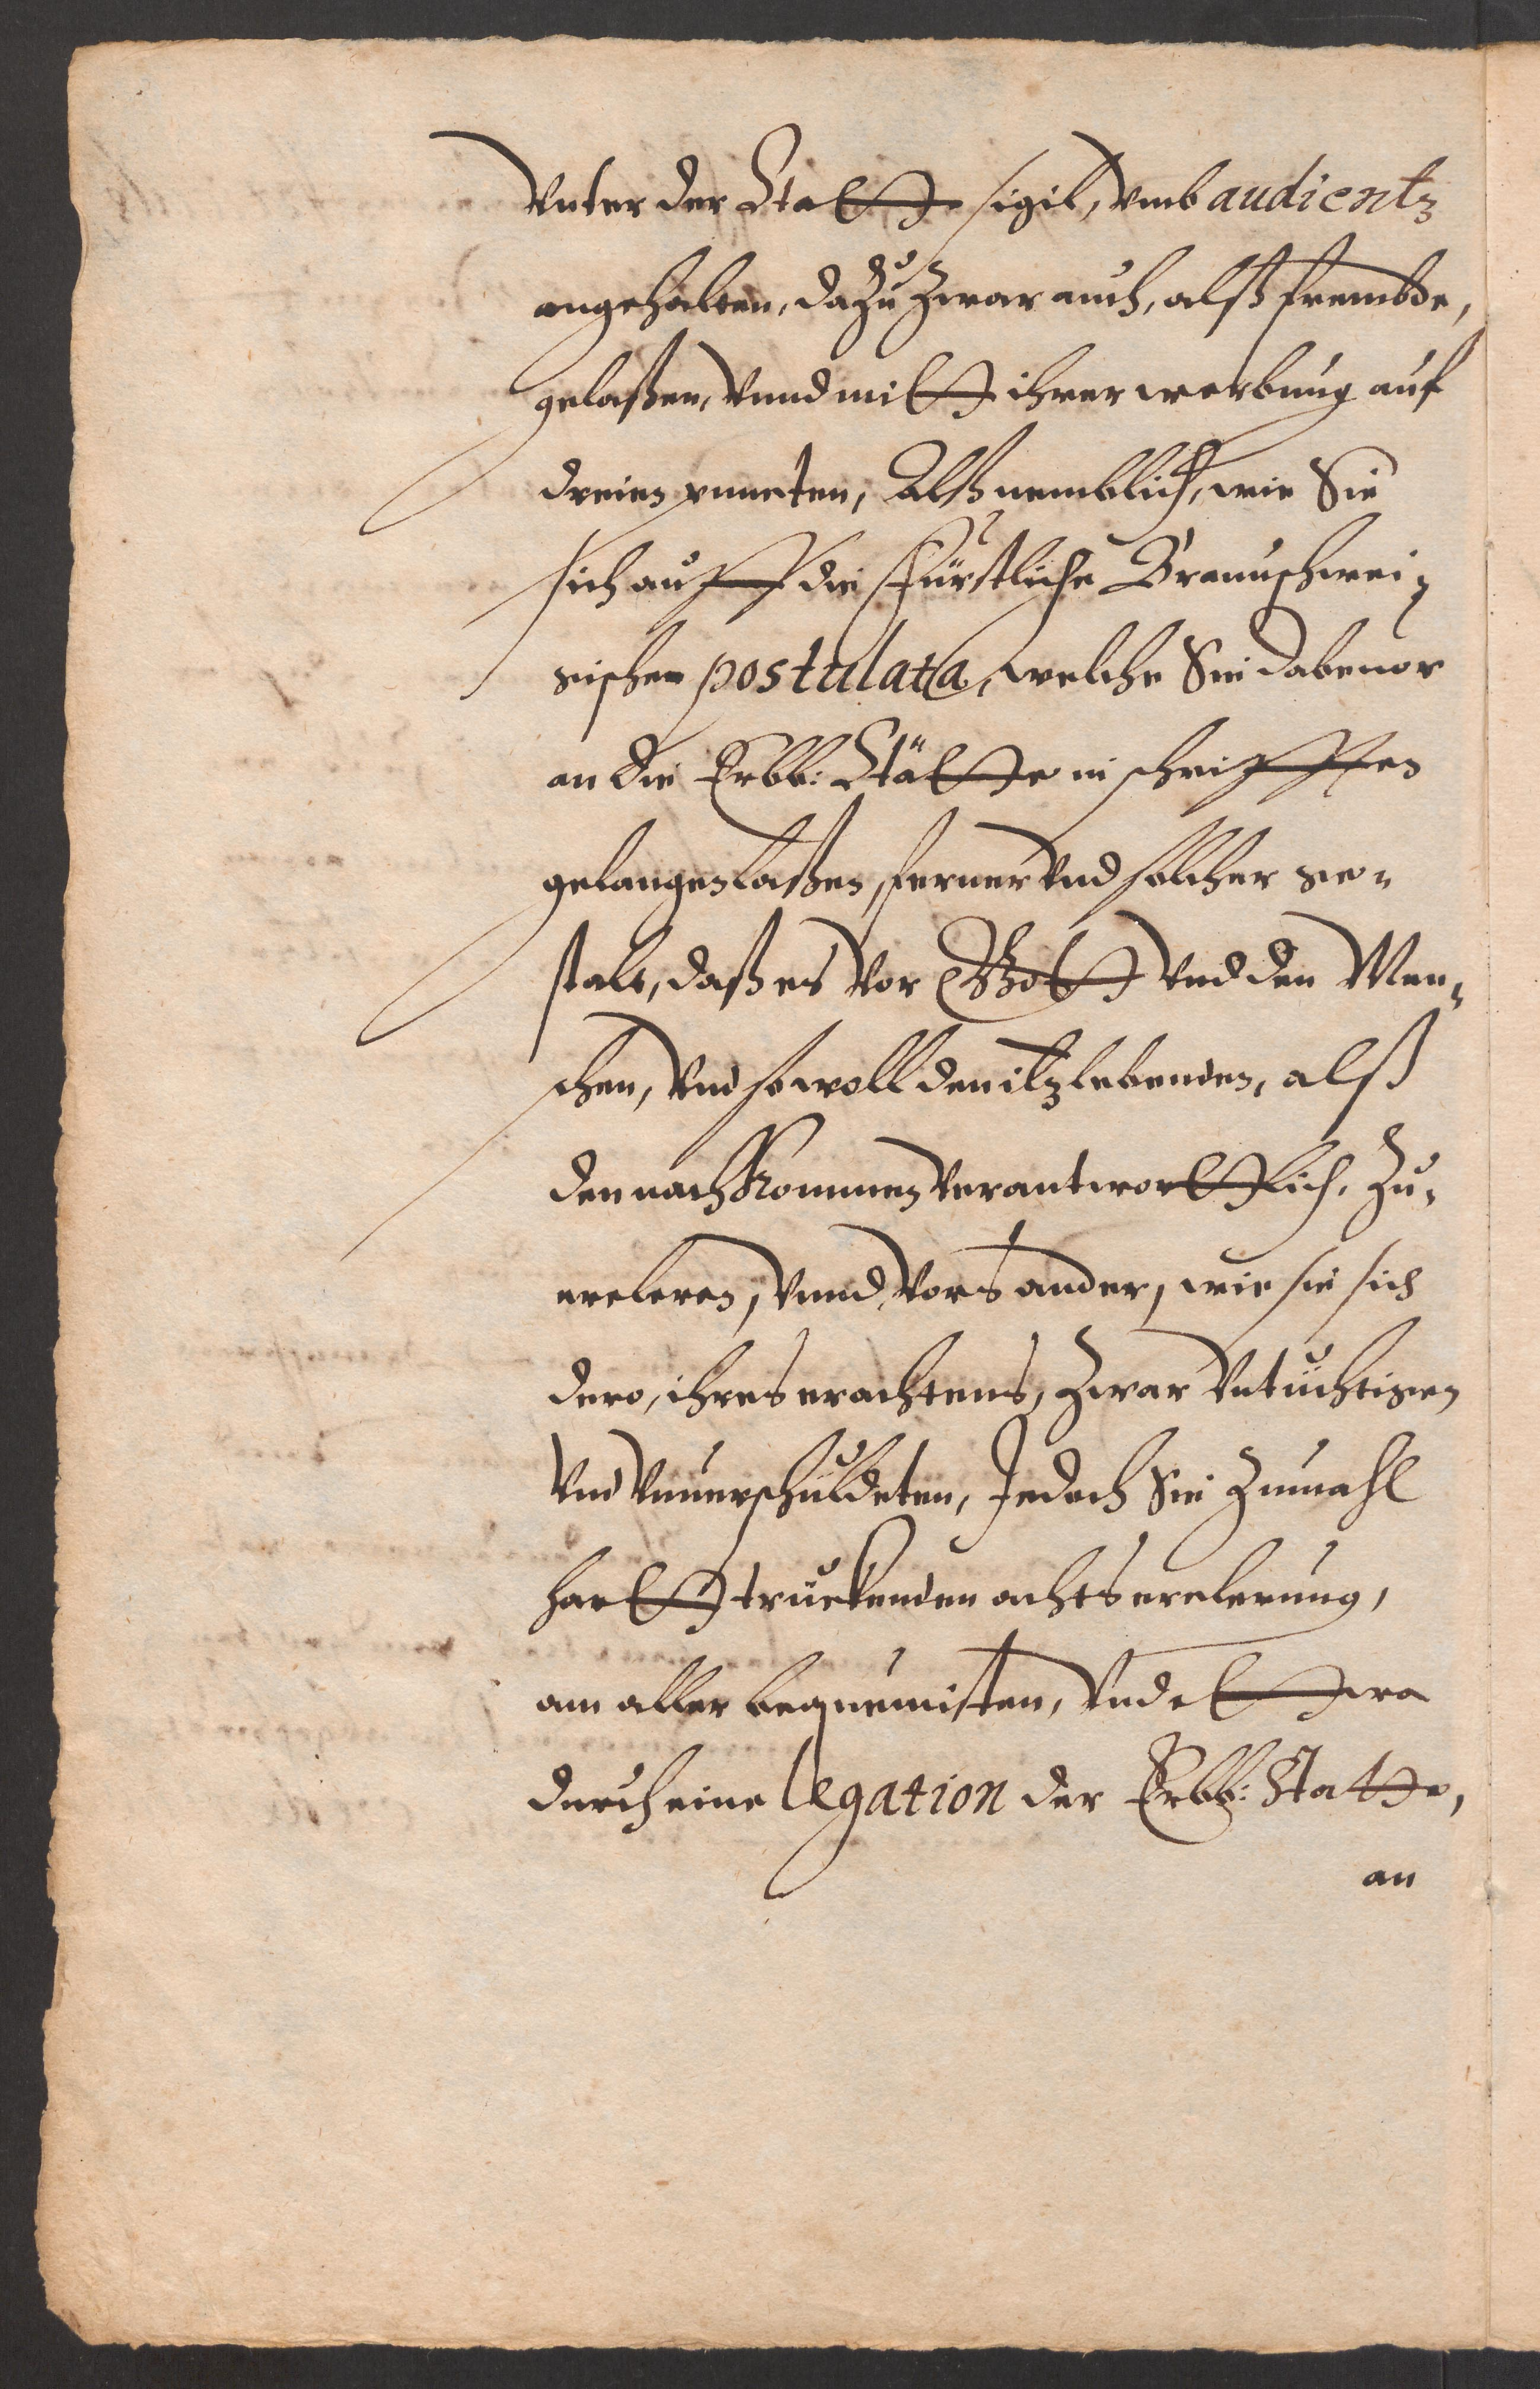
unter der Statt sigil, vmb audientz
angehalten, dazu zwar auch, alß frembde,
gelaßen, vnnd mitt ihrer werbung auf
dreien puncten, Alß nemblich, wie Sie
sich auff die fürstliche Braunschwei¬
gischen postulata, welche Sie dabeuor
an die Erbb: Stätte in schrifften
gelangen laßen, ferner vnd solcher ge¬
stalt, daß es vor Gott vnd den Men¬
schen, vnd sowoll den itzlebenden, alß
den nachkommen verantworttlich, zu¬
ercleren, vnd vors ander, wie sie sich
dero, ihres erarchtens, zwar vntüchtigen
vnd vnuerschüldeten, Jedoch Sie zumahl
hartt trückenden achts erclernung,
am aller bequemisten, vnd ettwa
durch eine legation der Erbb: Statte,
an
